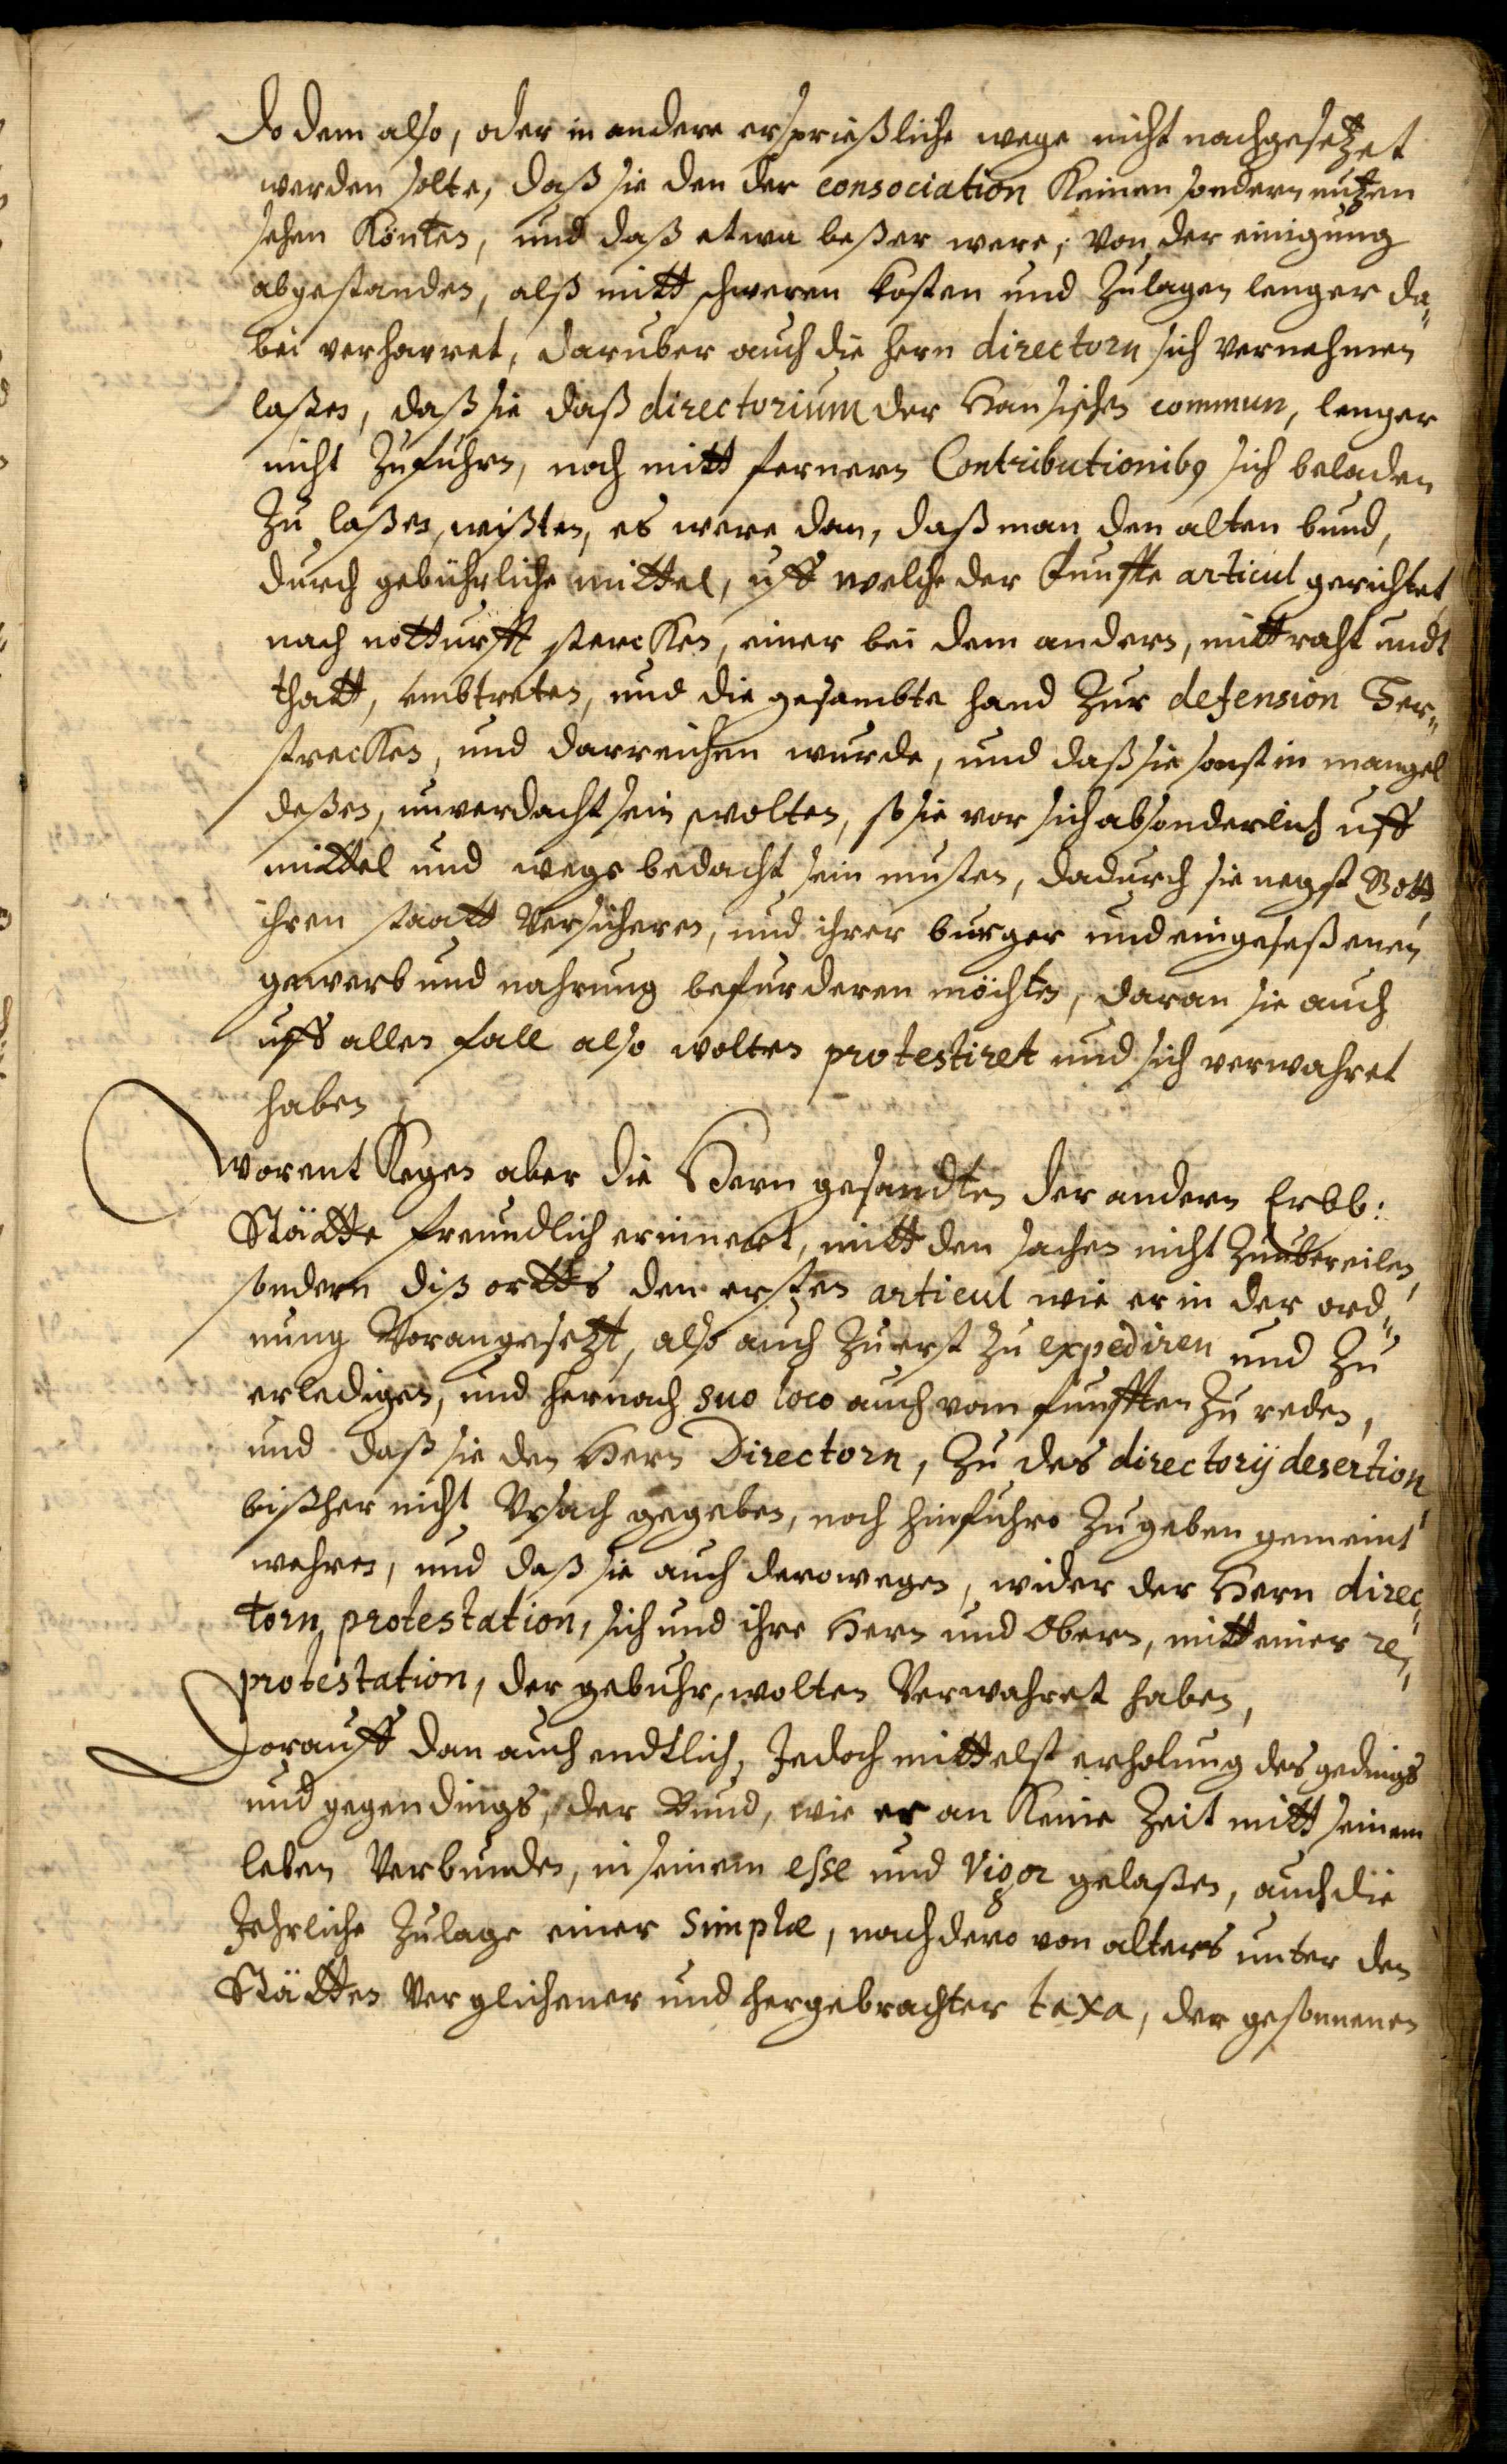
do dem also, oder in andere ersprießliche wege nicht nachgesetzet
werden solte, daß sie den der consociation keinen sondern nutzen
sehen könten, und daß etwa beßer were; von der einigung
abgestanden, alß mitt schweren Kosten und Zulagen lenger da¬
bei verharret, daruber auch die hern directorn sich vernahmen
laßen, daß sie daß directorium der Hansischen commun, lenger
nicht zufuhrn, noch mitt fernern Contributionibus sich beladen,
zu laßen, wißten, es were dan, daß man den alten bund,
durch gebührliche mittel, uff welche der funffte articul gerichtet,
nach notturfft stercken, einer bei dem andern, mitt raht undt
thatt, vmbtreten, vnd die gesambte hand zur defension her¬
strecken, und darreichen wurde, und daß sie sonst in mangel
deßen, unverdacht sein wolten, so sie vor sich absonderlich uff
mittel und wege bedacht sein musten, dadurch sie negst Gott
ihren staatt Versicheren, und ihrer burger und eingeseßenen
gewerb und nahrung befurderen möchten, daran sie auch
uff allen fall also wolten protestiret und sich verwahret
haben,
Worent kegen aber die Hern gesandten der andern Erbb:
Stätte freundlich erinnert, mitt den sachen nicht zuubereilen,
sondern diß ortts den ersten articul wie er in der ord¬
nung vorangesetzt, also auch zu erst zu expediren und zu
erledigen, und hernach suo loco auch vom funfften zu reden,
und daß sie den Hern Directorn, zu des directorij desertion,
bißher nicht Vrsach gegeben, noch hinfuhro zugeben gemeint
wehren, und daß sie auch derowegen, wider der Hern direc¬
torn, protestation, sich und ihre Hern und Obern, mitt einer re¬
protestation, der gebuhr, wolten Verwahret haben,
Dorauff dan auch endtlich, Jedoch mittelst erholung des gedings
und gegendings, der Bund, wie er an keine Zeit mitt seinem
leben verbunden, in seinem esse und vigor gelaßen, auch die
Jehrliche Zulage einer simplae, nach dero von alters unter den
Stätten verglichener und hergebrachter taxa, der gesonnenen
